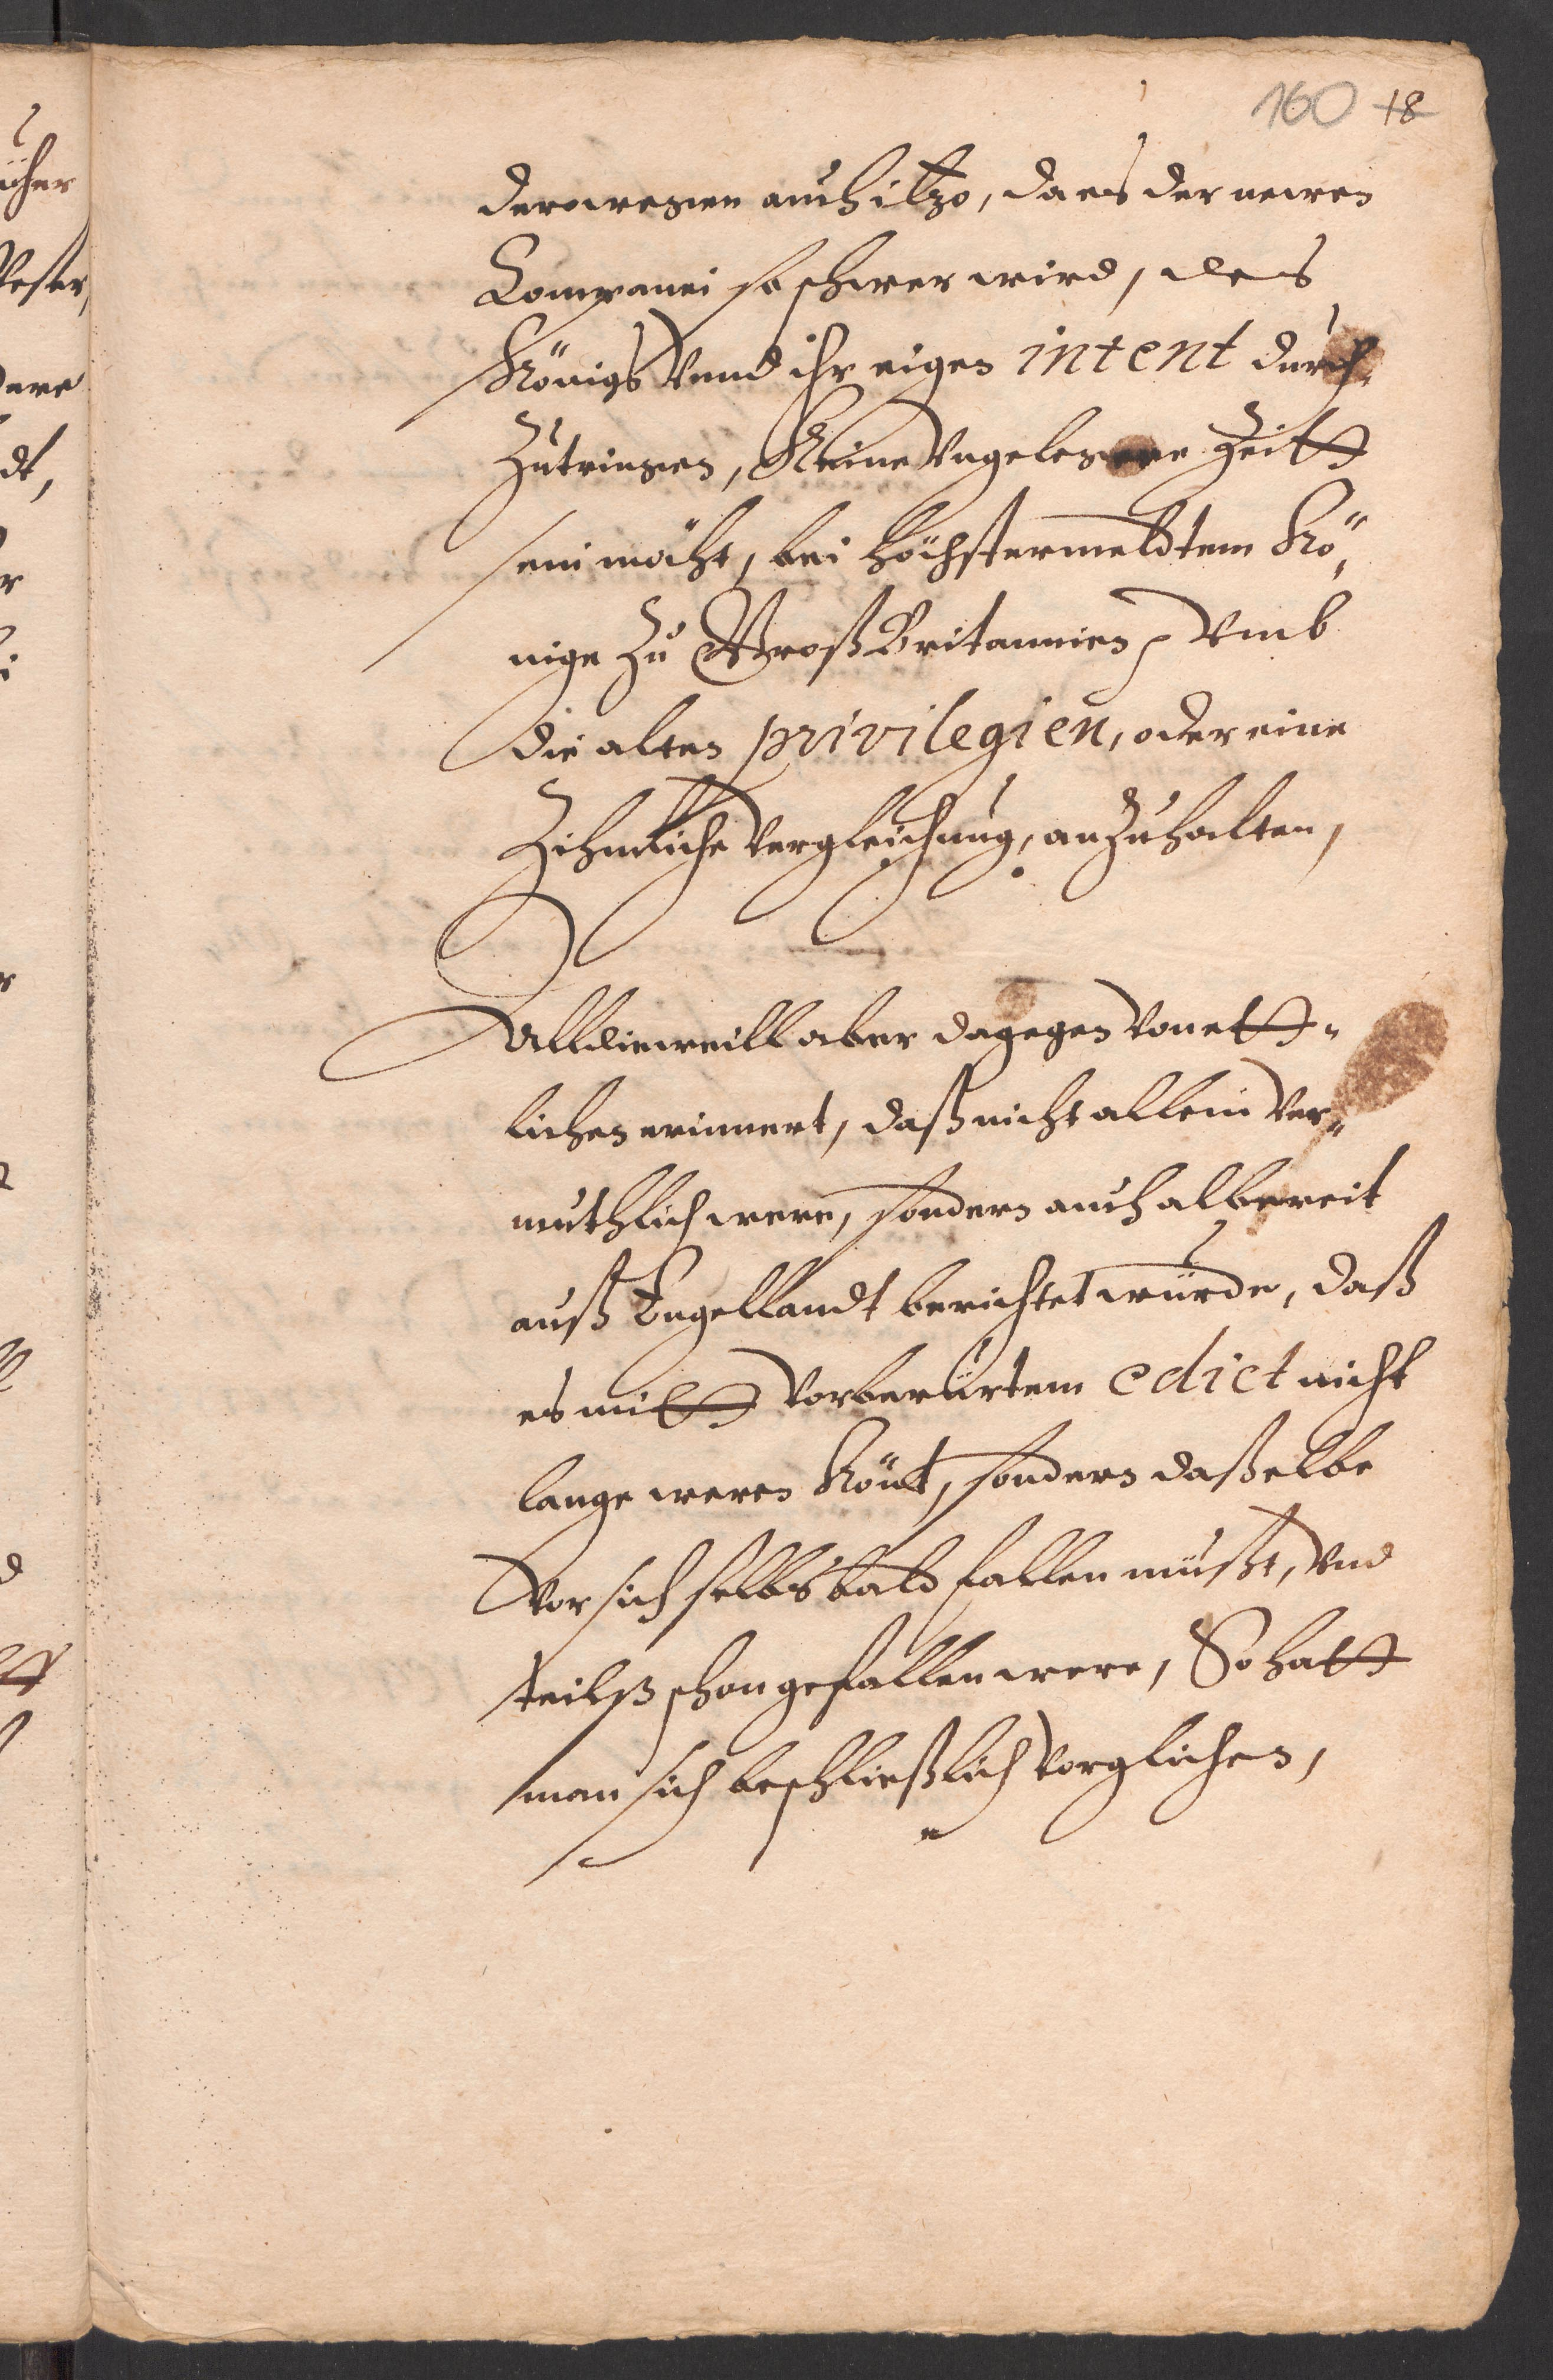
18
derowegen auch itzo, da es der newen
Companei so schwer wird, des
königs vnnd ihr eigen intent durch¬
zutringen, keine vngelegene zeitt
sein möcht, bei höchst ermeldtem kö¬
nige zu Groß Britannien p vmb
die alten privilegien, oder eine
zihmliche vergleichung, anzuhalten,
Alldieweill aber dagegen von ett¬
lichen erinnert, daß nicht allein ver¬
muthlich were, sondern auch albereit
auß Engellandt berichtet würde, daß
es mitt vorberürtem edict nicht
lange weren könt, sondern daßelbe
vor sich selbs bald fallen müßt, vnd
teilß schon gefallen were, So hatt
man sich beschließlich vorglichen,
